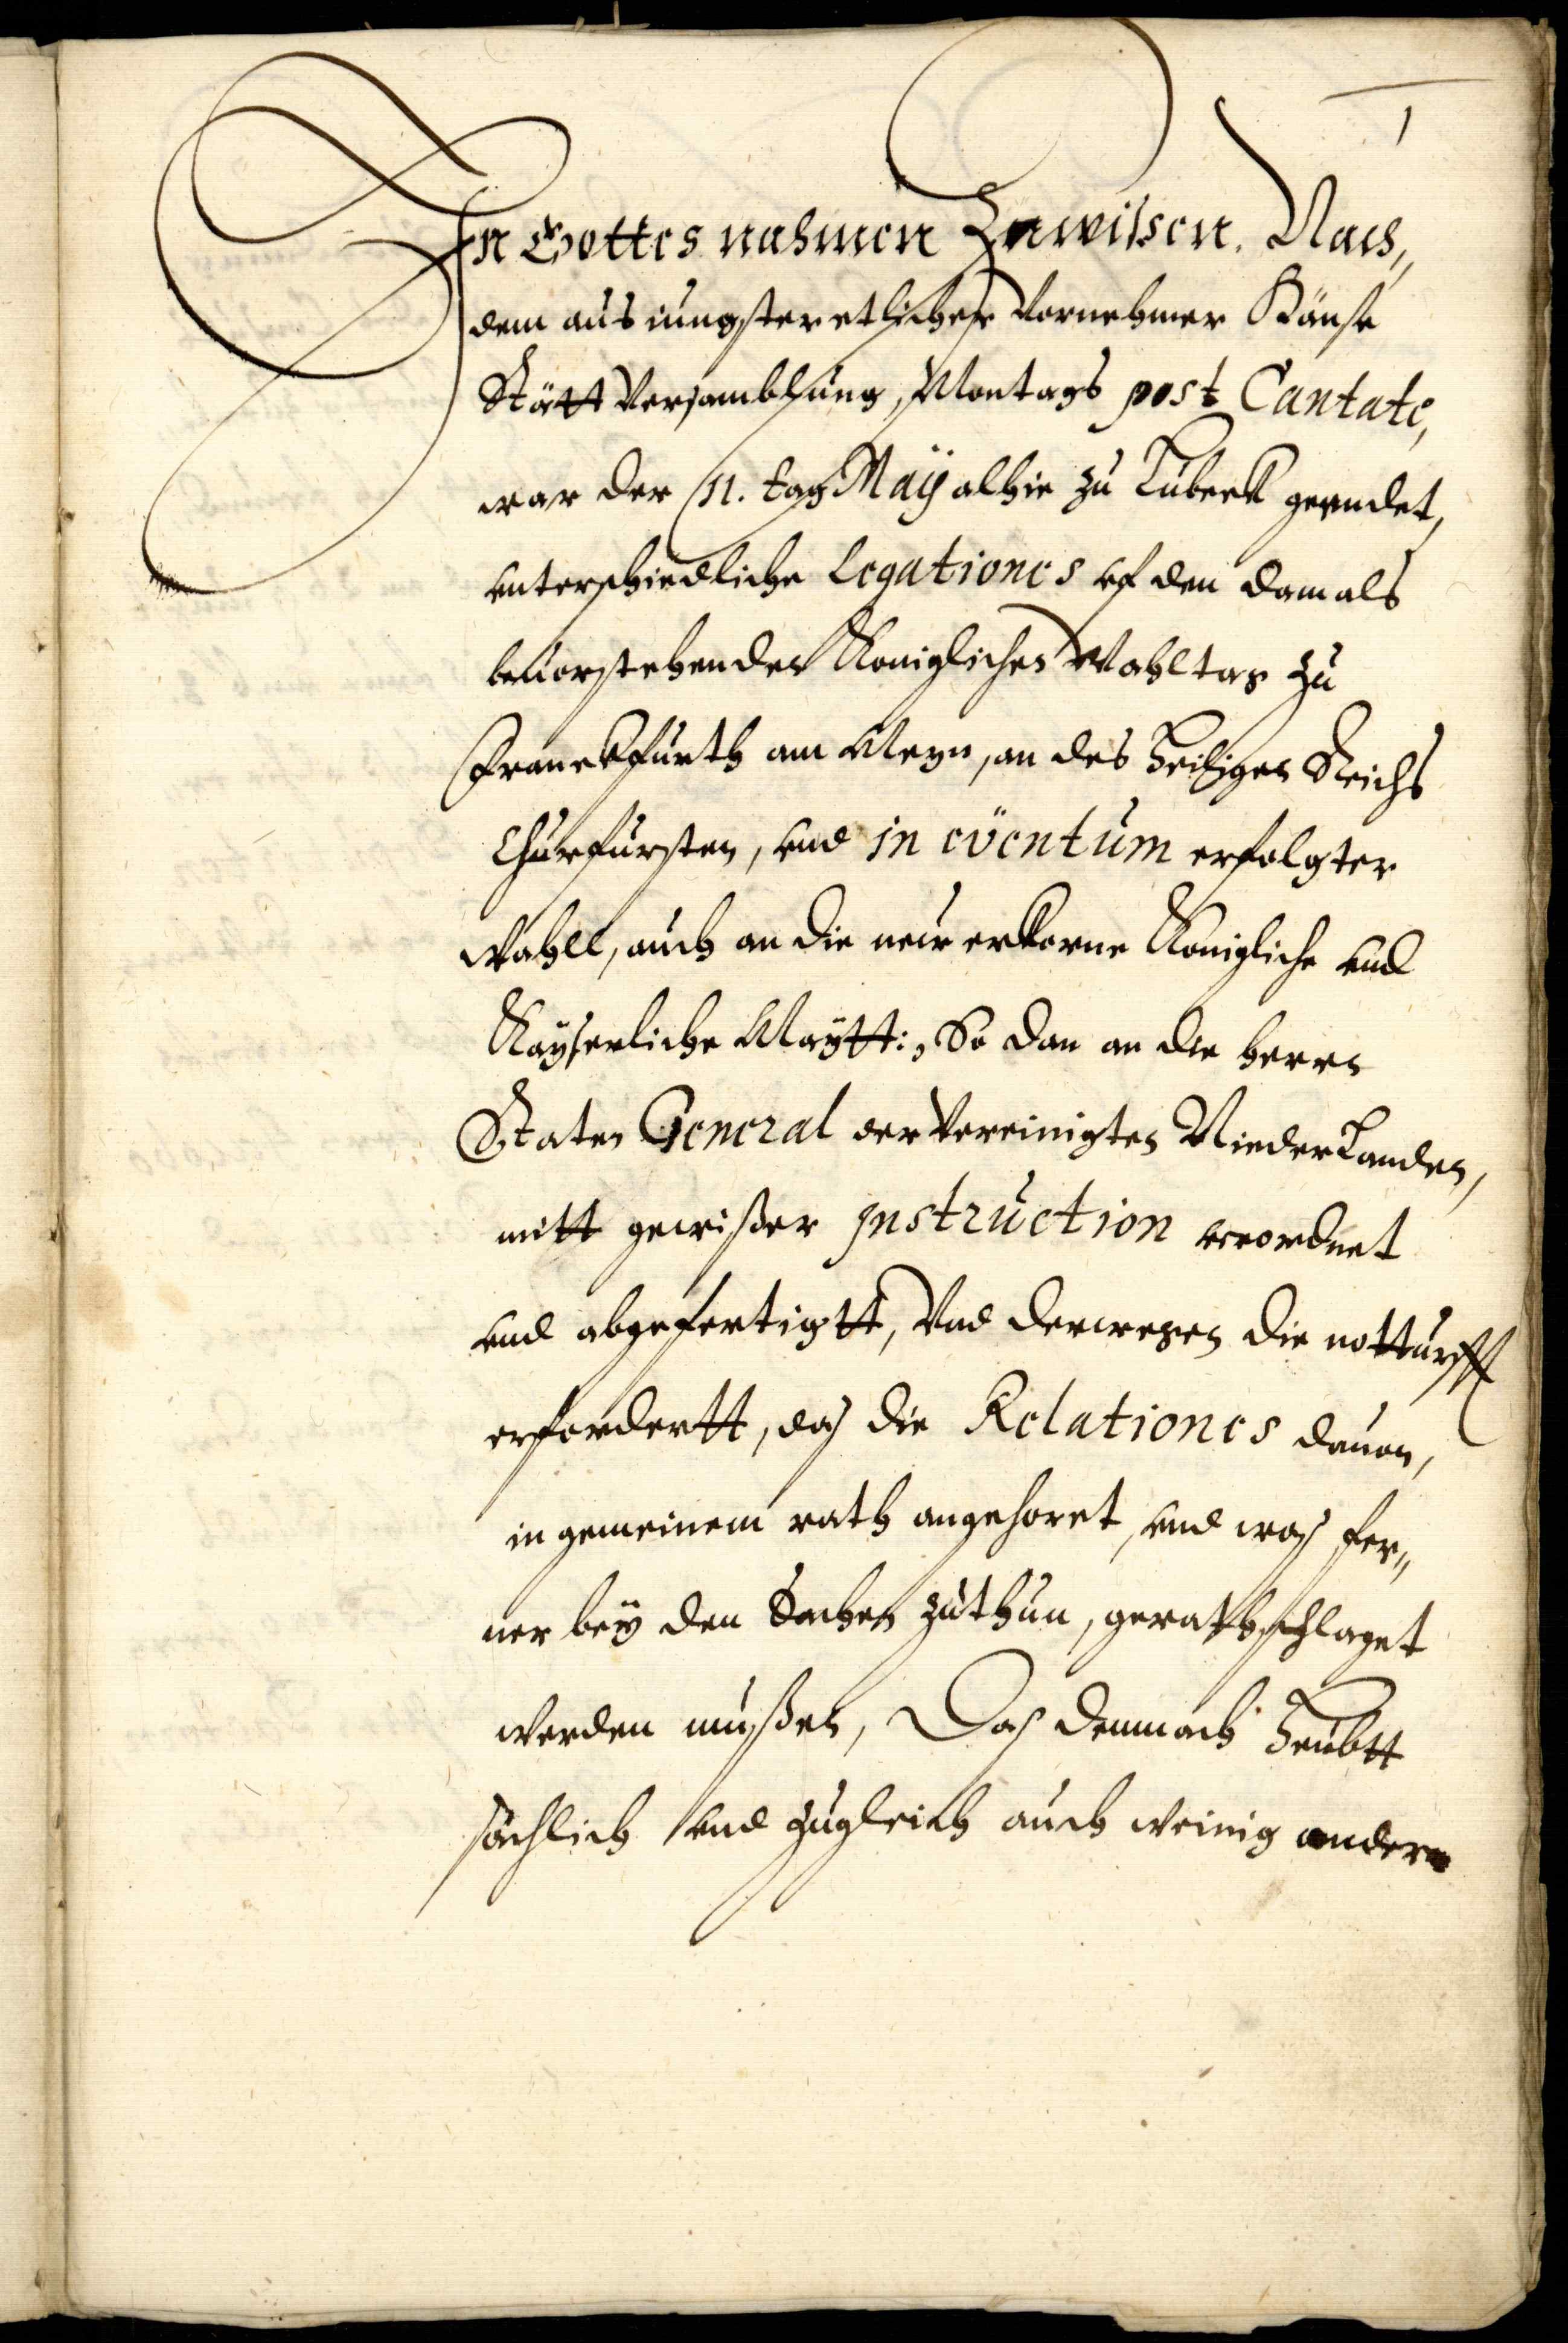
1
In Gottes nahmen zuwissen, Nach¬
dem aus iungster etlicher Vornehmer Hänse
Stätt Versamblung, Montags post Cantate,
war der 11. tag Maij alhie zu Lubeck geendet,
vnterschiedliche Legationes vf den damals
beuorstehender Koniglichen Wahltag zu
Frannkfurth am Meyn, an des Heiligen Reichs
Churfursten, vnd in eventum erfolgter
Wahll, auch an die new erkorne Konigliche vnd
Kaijserliche Maijtt: So dan an die herrn
Staten General der Vereinigten NiederLanden,
mitt gewißer Instruction verordnet
vnd abgefertigtt, Vnd derwegen die notturfft
erfordertt, daß die Relationes dauon,
in gemeinem rath angehoret, vnd waß fer¬
ner beij den Sachen zuthun, gerathschlaget
werden mußen, Daß demnach Heubtt
sächlich vnd zugleich auch weinig andern
